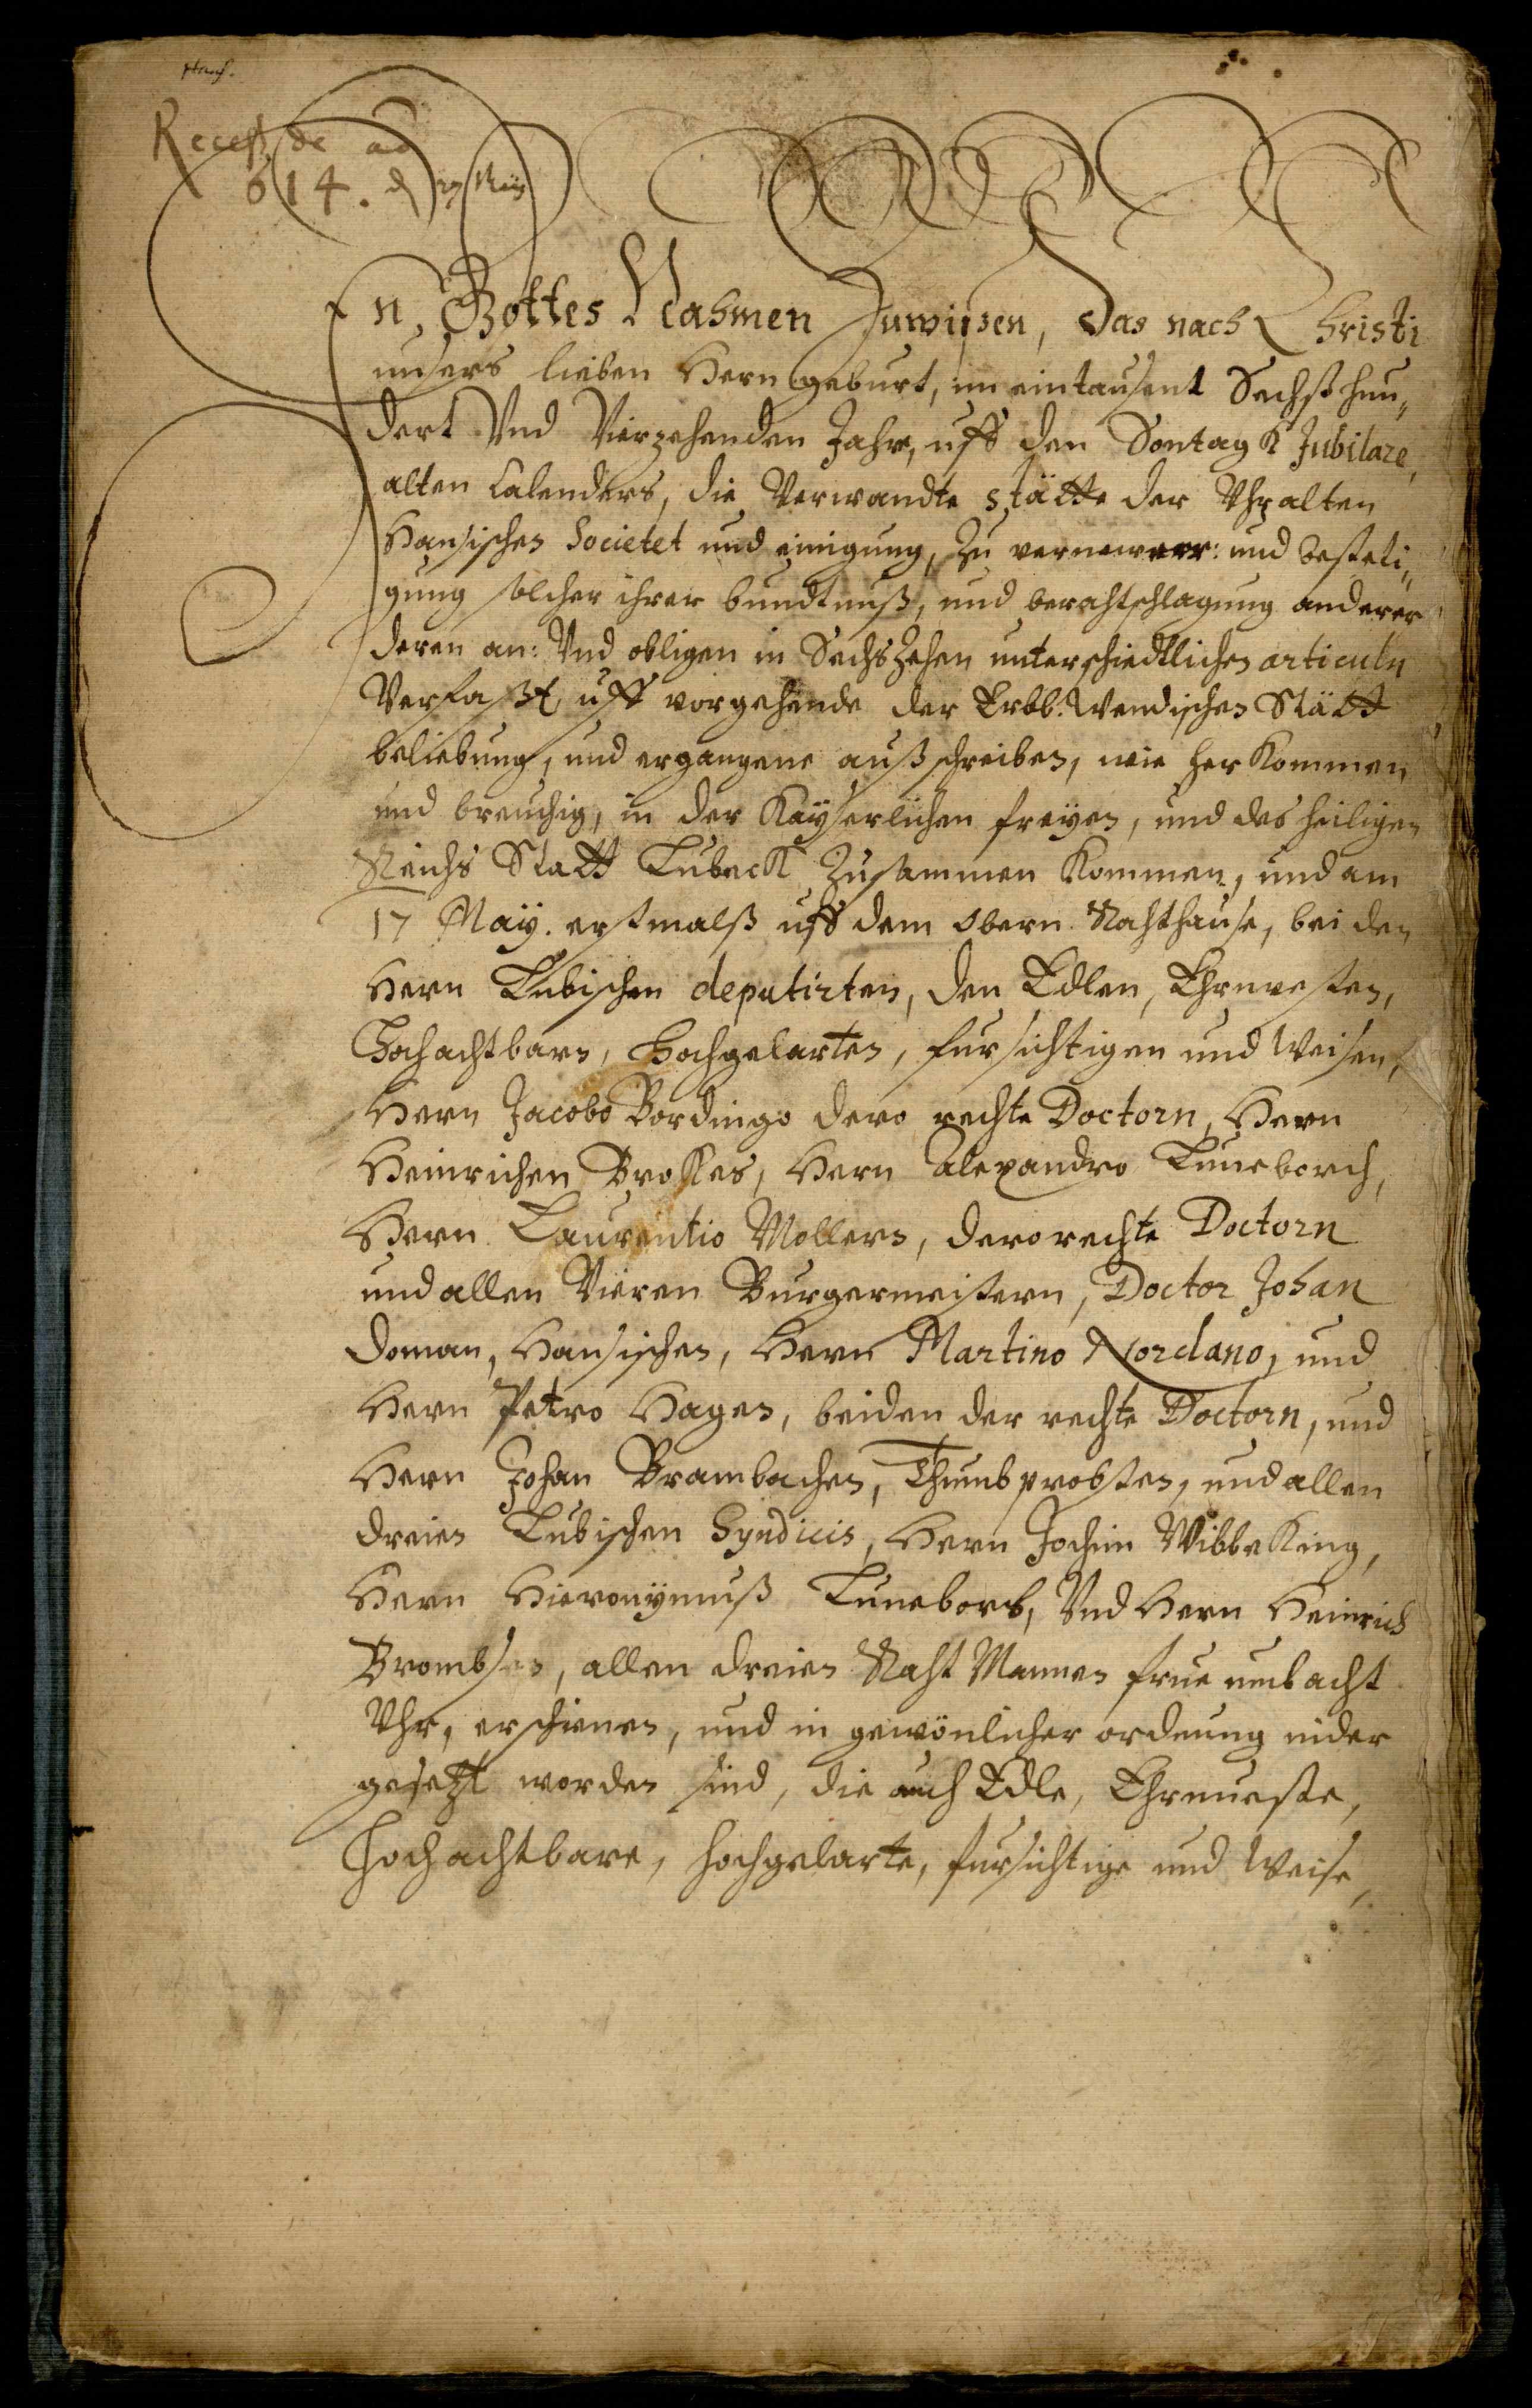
Hans.
Receß de anno
614. den 27 Maij
In Gottes Nahmen zuwißen, das nach Christi
unsers lieben Hern geburt, im eintausent Sechßhun¬
dert Vnd Vierzehenden Jahr, uff den Sontagk Jubilate,
alten Calenders, die Verwandte stätte der Vhralten
Hansischen Societet und einigung, zu vernewrer: vnd besteti¬
gung solcher ihrer bundtnuß, und berahtschlagung anderer
deren an: Vnd obligen in Sechszehen unterschiedtlichen articuln
Verfaßt, uff vorgehende der Erbb. Wendischen Stätt
beliebung, vnd ergangene außschreiben, wie herkommen,
und breuchig, in der Kaijserlichen freijen, und des heiligen
Reichs Statt Lubeck zusammen kommen, vnd am
17 Maij, erstmalß uff dem Obern Rahthause, bei den
Hern Lubischen deputirten, den Edlen, Ehrnversten,
Hochachtbarn, Hochgelarten, fursichtigen und Weisen,
Hern Jacobo Bordingo dero rechte Doctorn, Hern
Heinrichen Brokes, Hern Alexandro Luneborch,
Hern Laurentio Mollern, dero rechte Doctorn
und allen Vieren Burgermeistern, Doctor Johan
Doman, Hansischen, Hern Martino Nordano, und
Hern Petro Hagen, beiden der rechte Doctorn, und
Hern Johan Brambachen, Thumbprobsten, und allen
dreien Lubischen Syndicis, Hern Jochim Wibbeking,
Hern Hieronijmuß Luneborch, Vnd Hern Heinrich
Brombsen, allen dreien Raht Mannen frue vmb acht
Vhr, erschienen, und in gewönlicher ordnung nider
gesetzt worden sind, die auch Edle, Ehrnueste,
Hochachtbare, hochgelarte, fursichtige und Weise,
